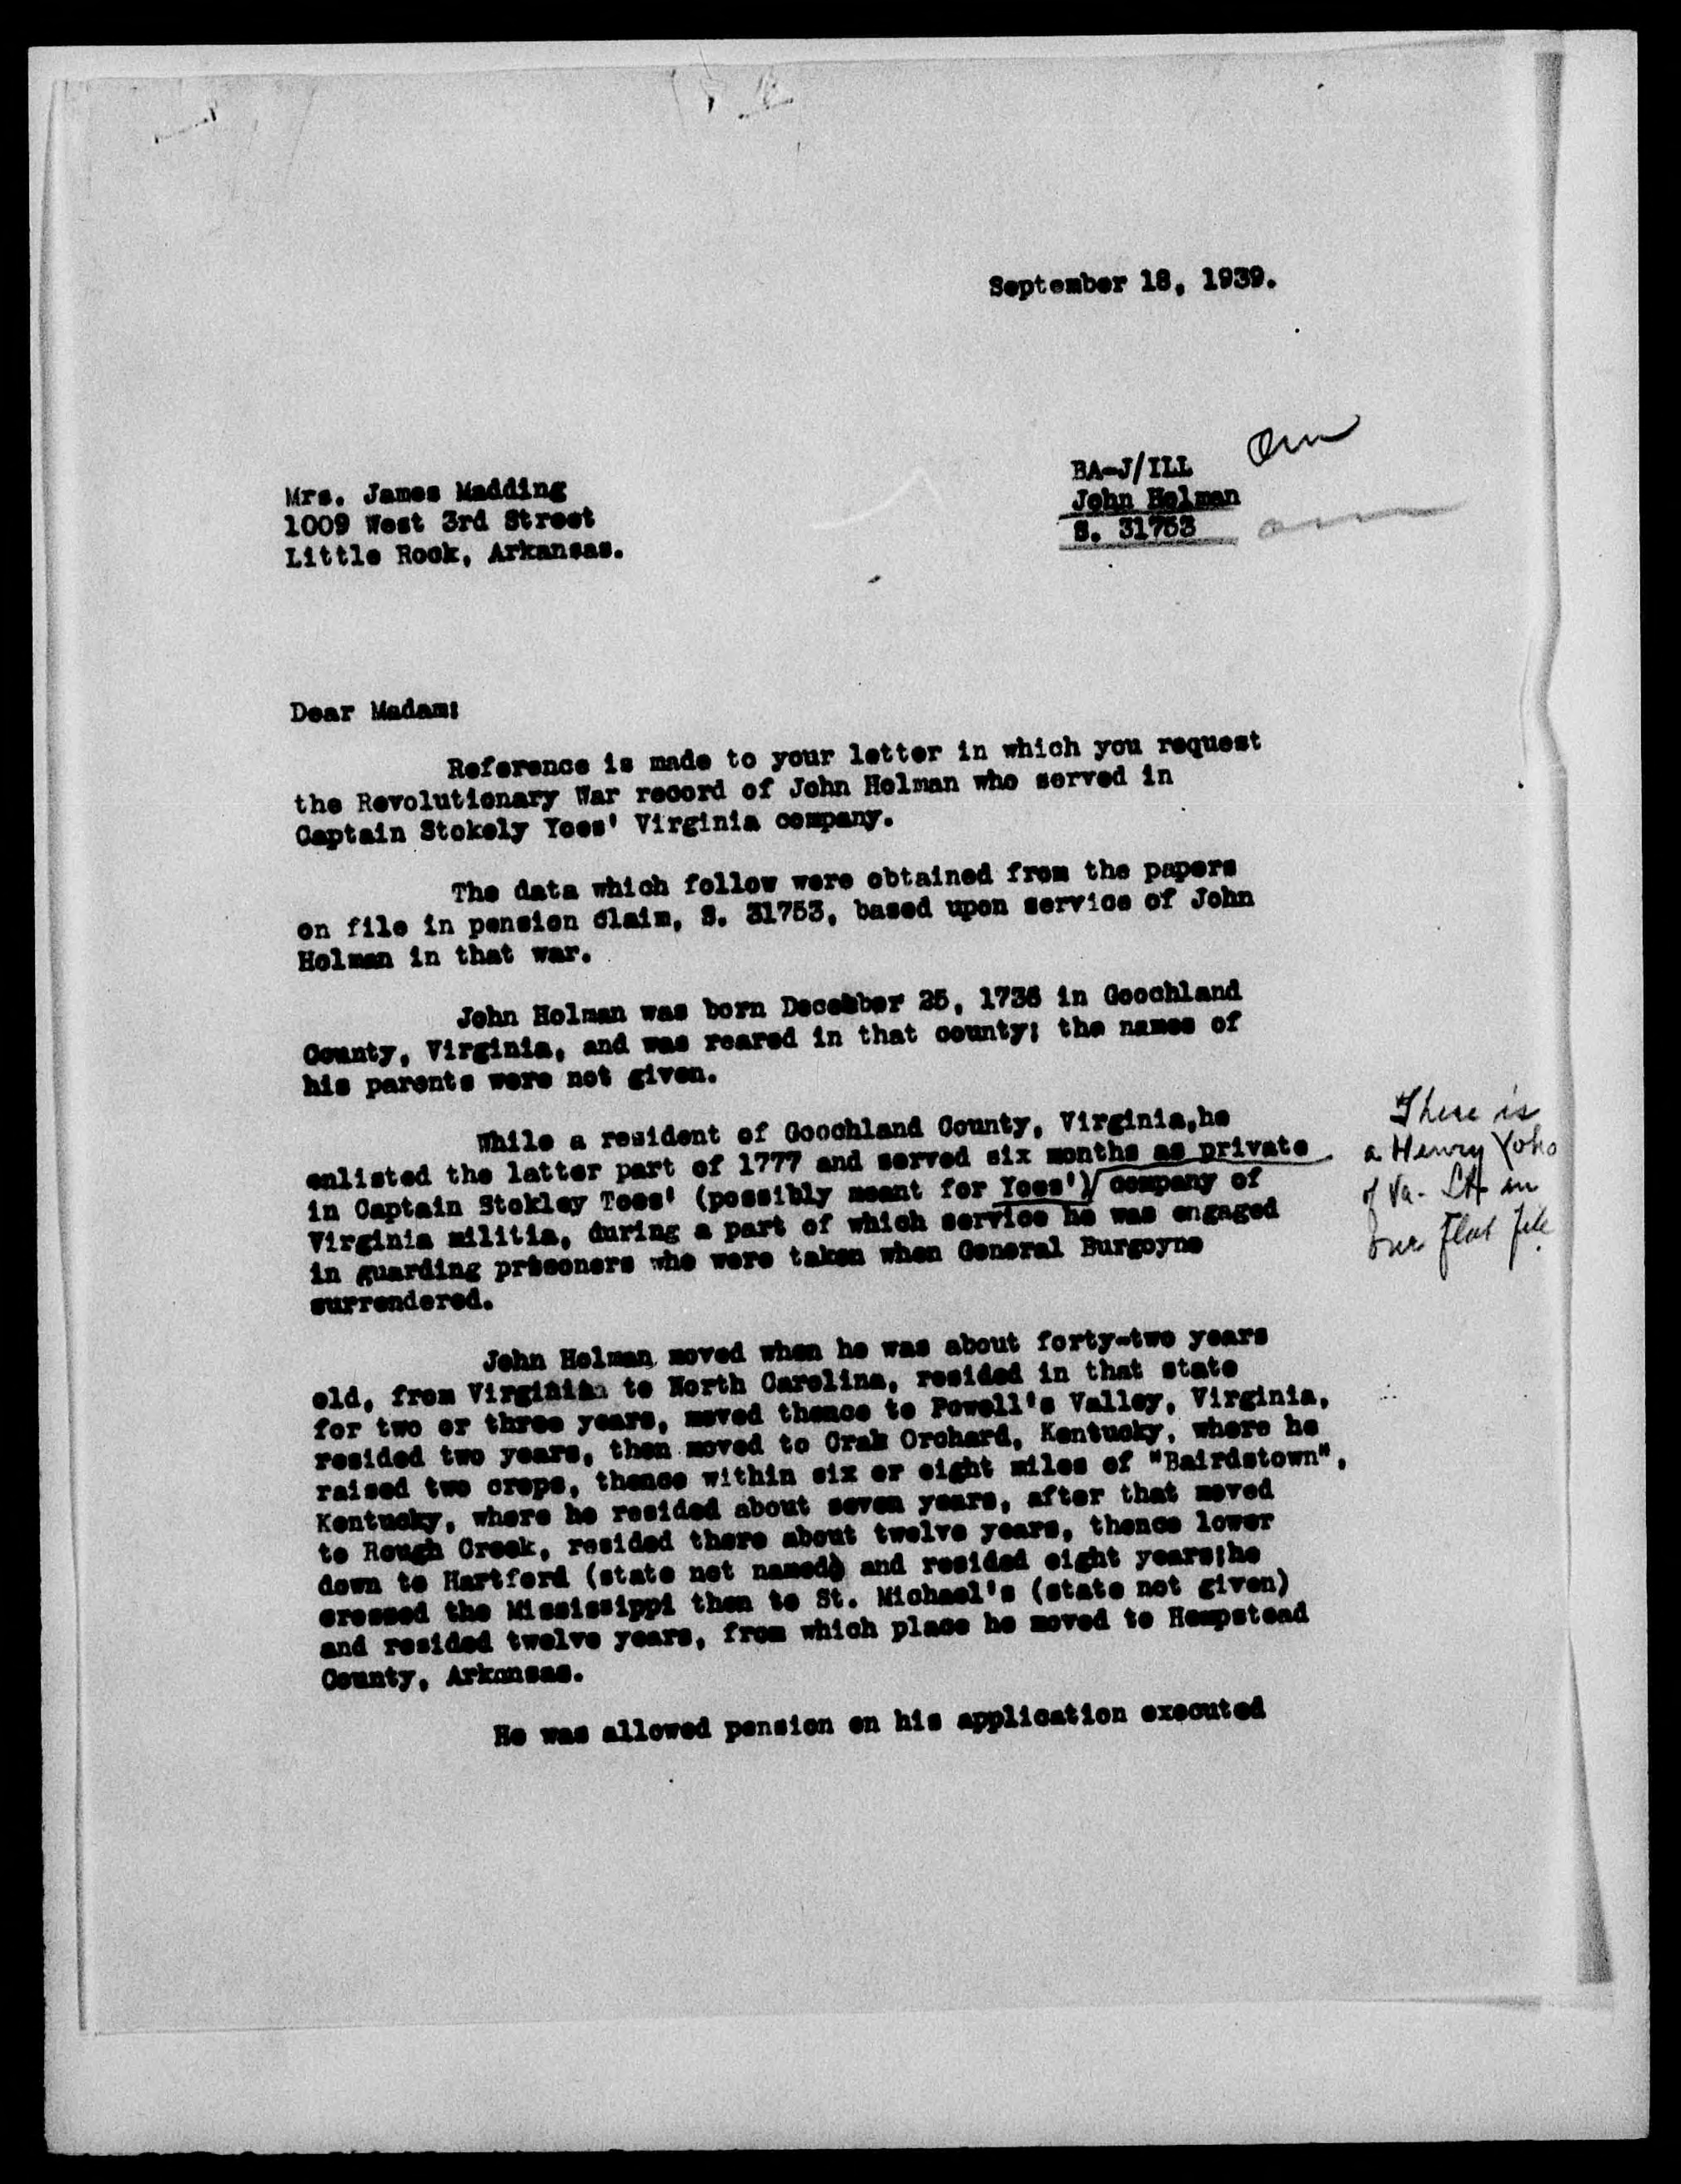September 18, 1939
BA-J/ILL
John Holman [underlined and initialed Orn]
S. 31753 [underlined and initialed  Orn]

Mrs. James Madding
1009 West 3rd Street
Little Rock, Arkansas.
Dead Madam:
Reference is made to your letter in which you request
the Revolutionary War record of John Holman who served in
Captain Stokely Yees' Virginia company.
The data which follow were obtained from the papers
on file in pension claim, S. 31753, based upon service of 
John Holman in  that war.
John Holman was born December 25, 1736 in Goochland 
County, Virginia, and was reared in that county; the names 
of his parents were not given.
While a resident of Goochland County, Virginia, he
enlisted the latter part of 1777 and served six months as private
in Captain Stokley Tees' (possibly meant for Yees') [*] company of
Virginia militia, during a part of which service he was engaged
in guarding prisoners who were taken when General Burgoyne 
surrendered.
John Holman moved when he was about forty-two years old, 
to Virginia to North Carolina, resided in that state
for two or three years, moved thence to Powell's Valley, Virginia,
resided two years, then moved to Crak Orchard, Kentucky, where he
raised two crops, thence within six or eight miles of "Bairdstown"
Kentucky, where he resided about seven years, after that moved
to Rough Creek, resided there about twelve years, thence lower 
down to Hartford (state not named) and resided eight years; he
crossed the Mississippi then to St. Michael's (state not given)
and resided twelve years, from which place he moved to 
Hempstead County, Arkansas. 
He was allowed pension on his application executed

[*] [handwritten note right side referring to Yee's name]
There is a Henry Yoho of Va. Lk in line flat file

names: John Holman, John Holman, Henry Yoko, John Holman, John Holman, Burgoyne, James Madding, John Holman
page: 14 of 30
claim: survivor's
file: S. 31753, John Holman, Va.